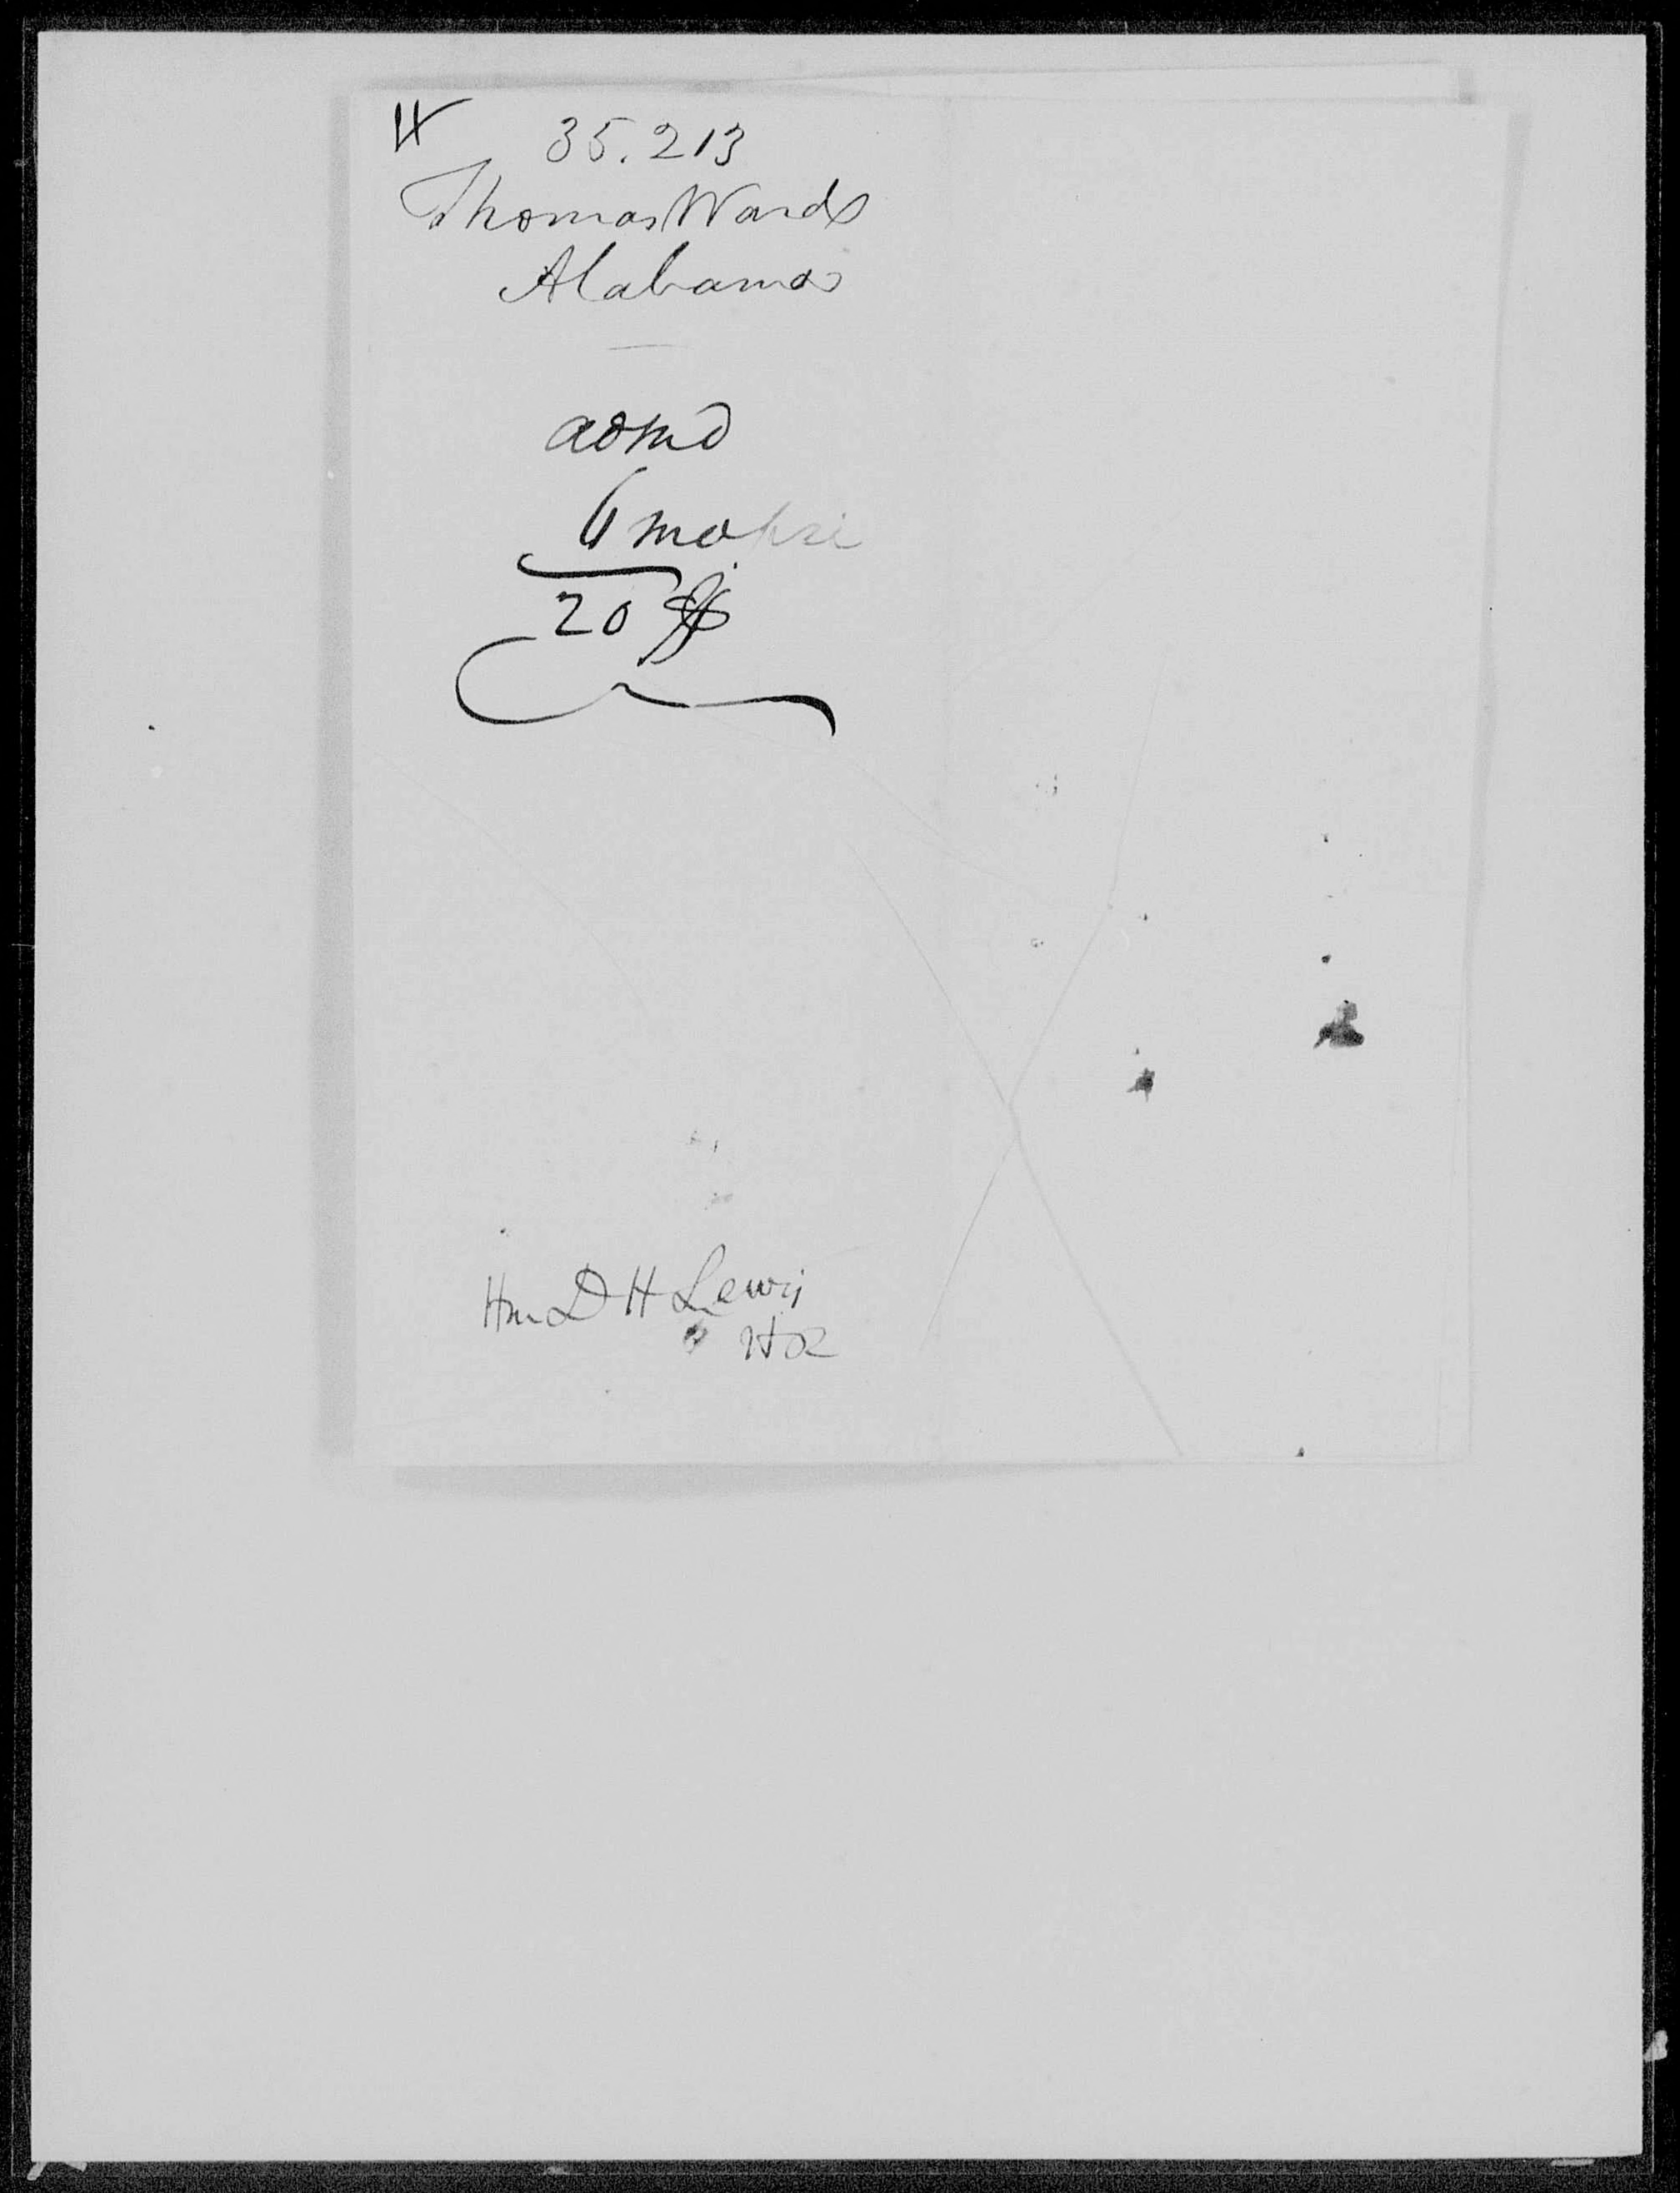4         35.213
Thomas Ward
Alabama

admd
6 mo pri
20$



Hne D H Lewis
HR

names: D H Lewis, Thomas Ward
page: 3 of 31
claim: survivor's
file: S. 14802, Thomas Ward, S.C.